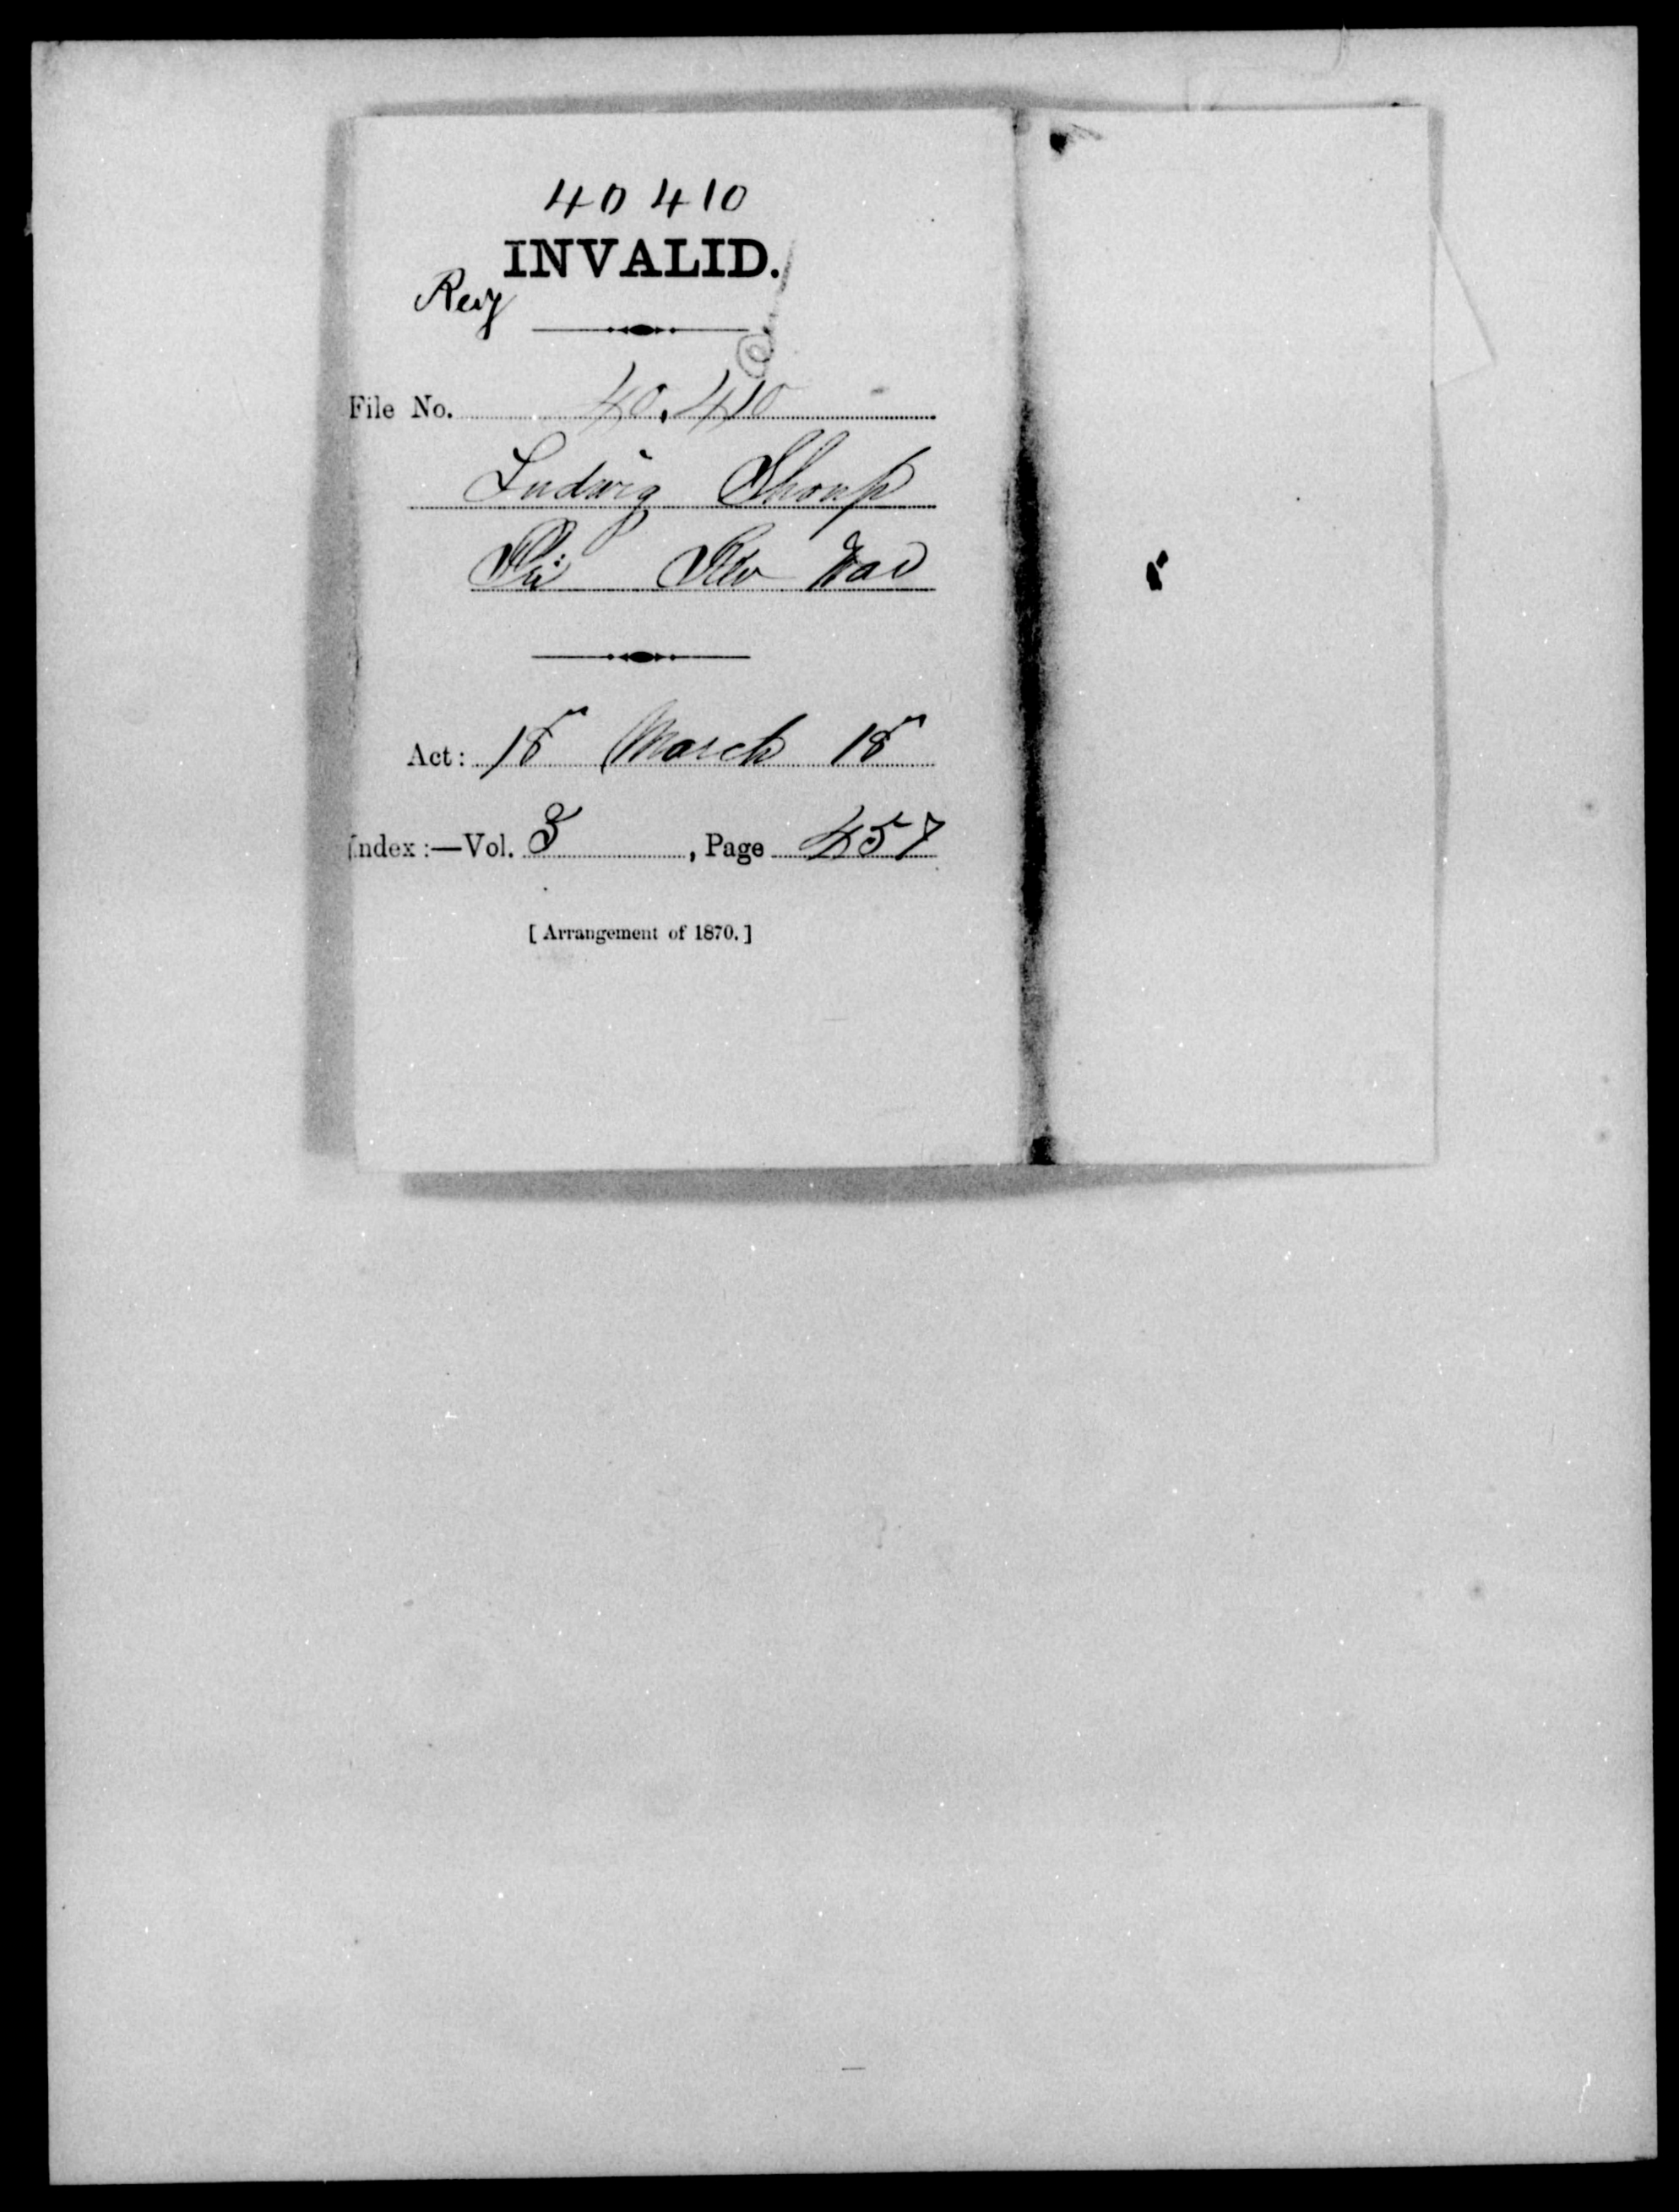40410
INVALID.
Revy

File No.  40.410
Ludwig Shoup
Pri  Rev War

Act:  18 March 18

Index: --Vol. T,  Page 457

[ Arrangement of 1870. ]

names: Ludwig Shoup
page: 14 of 19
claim: survivor's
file: S. 40410, for Ludwig Shoup, Pennsylvania